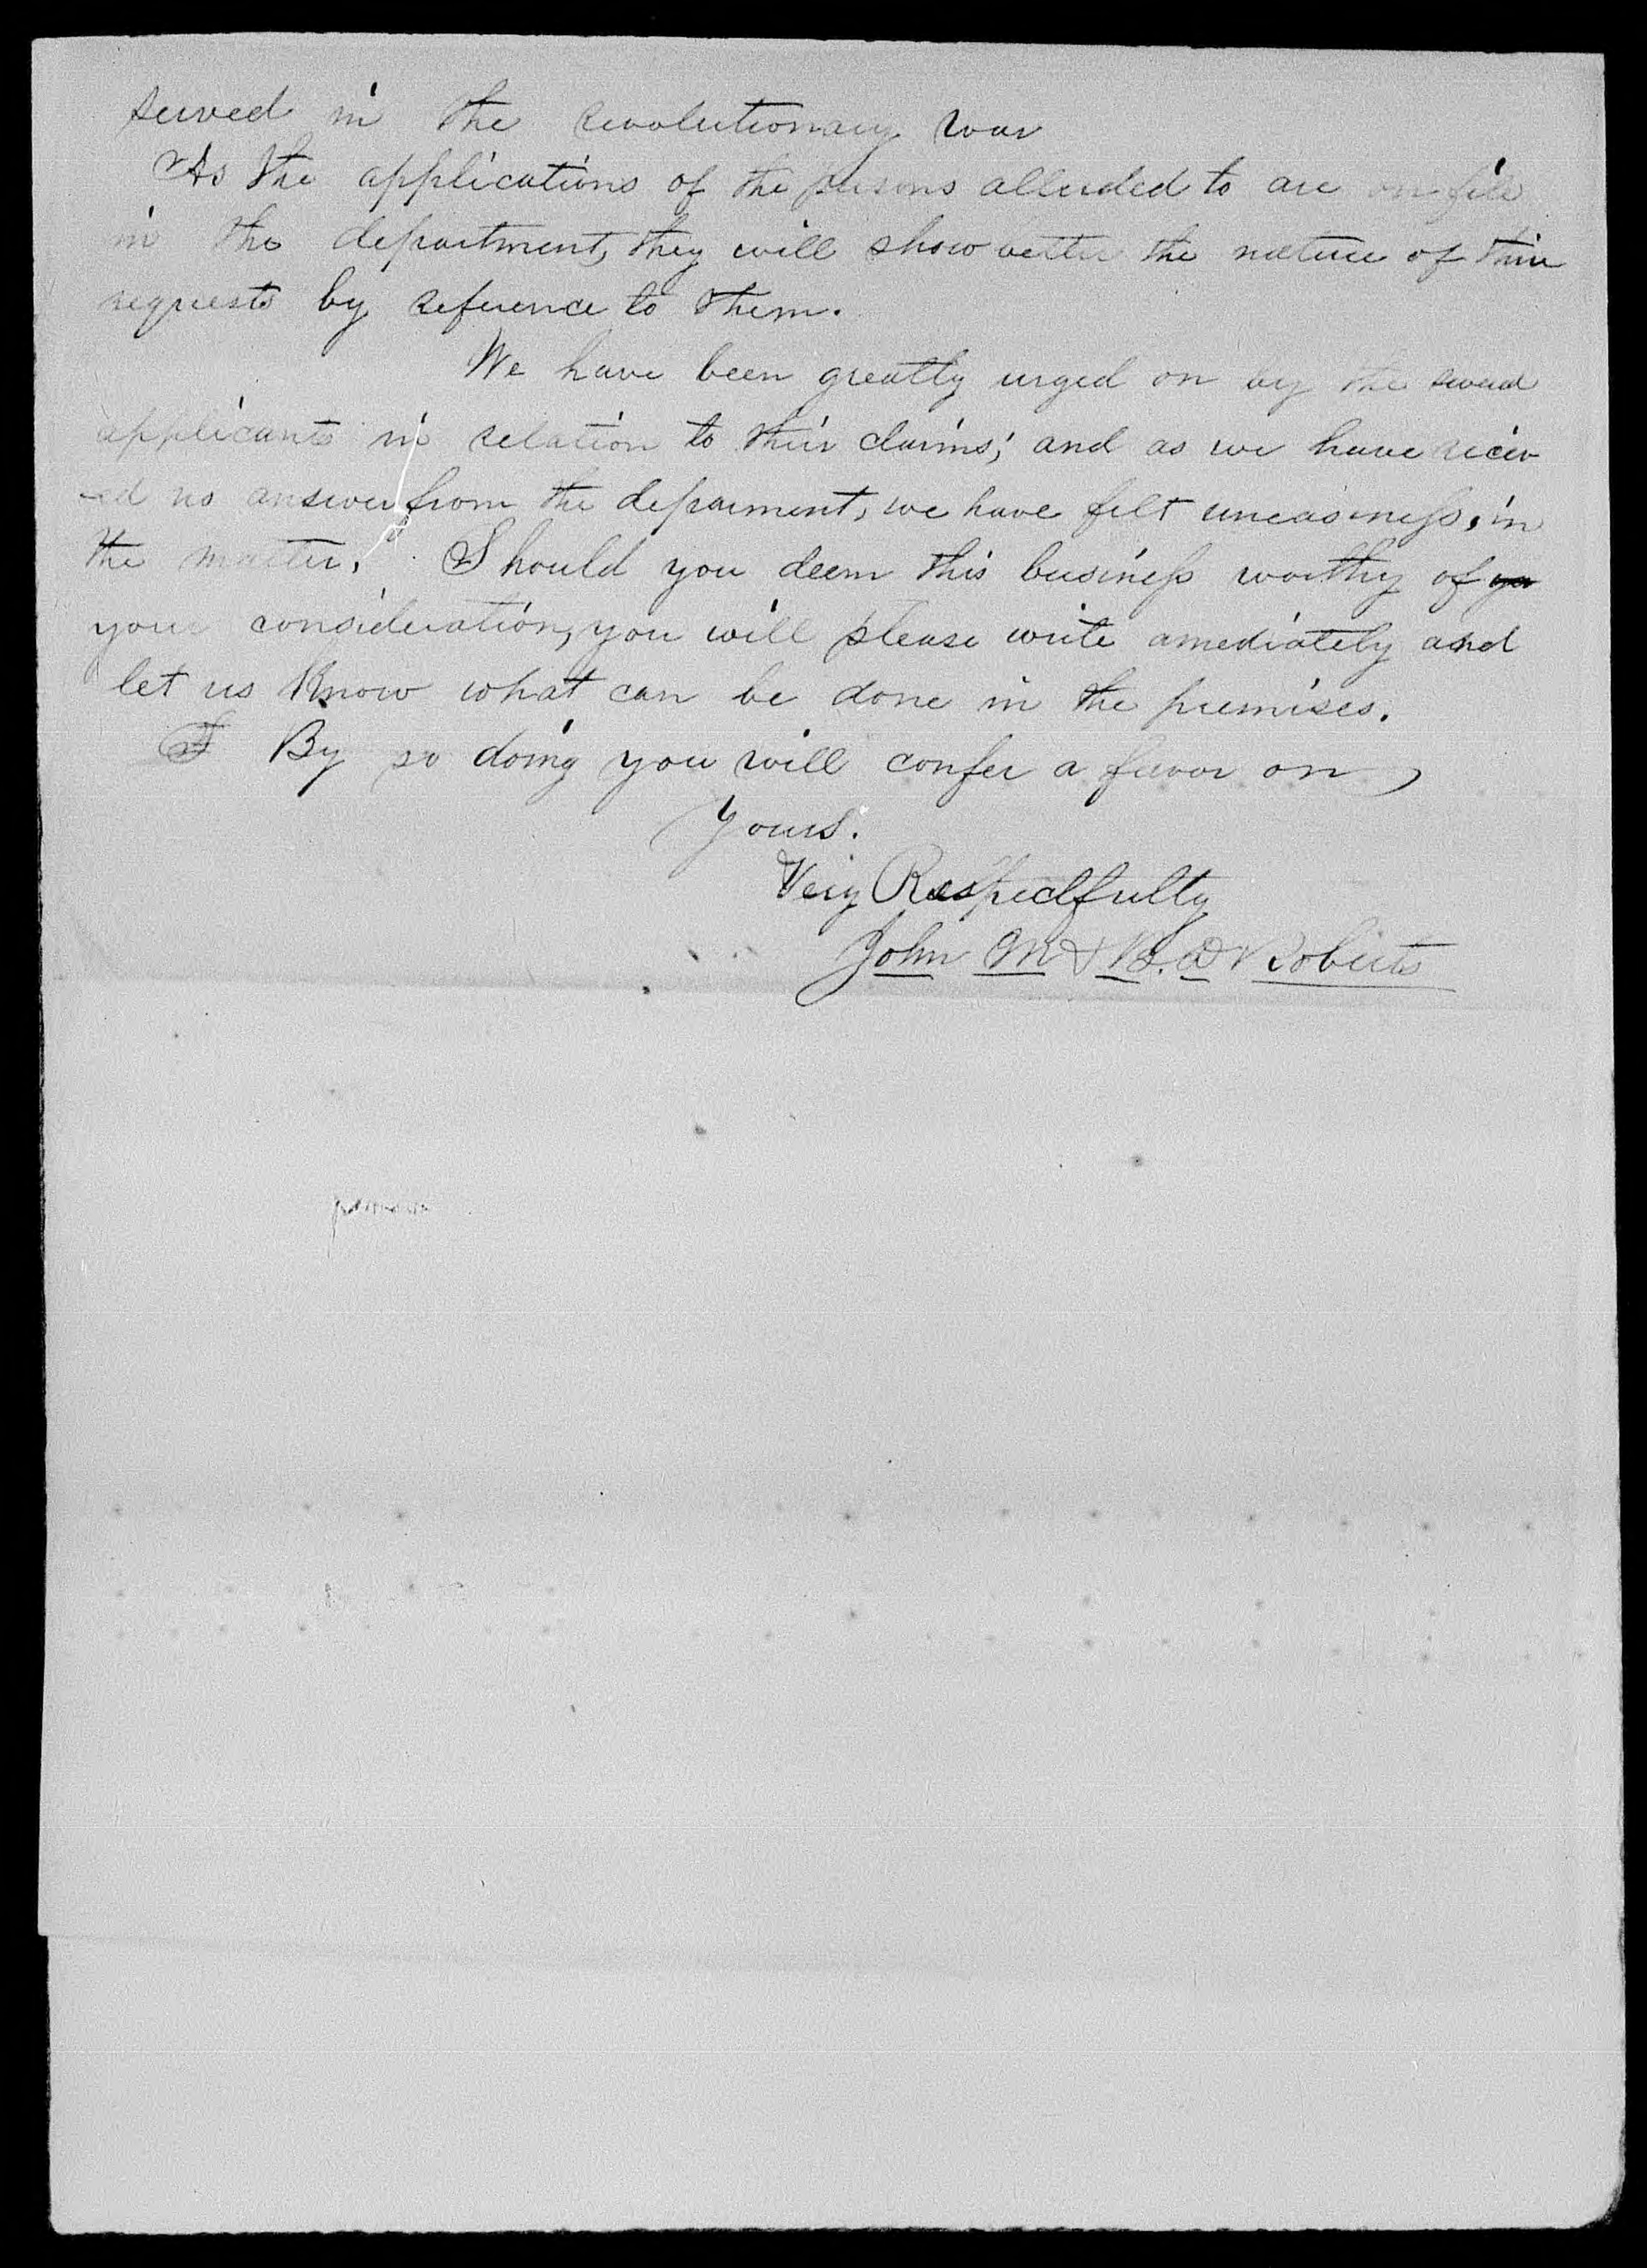served in the Revolutionary war.
As the applications of the persons alluded to are on file
in the department, they will show better the nature of the
requests by reference to them.
We have been greatly urged on by the several
applicants in relation to their claims, and as we have received
no answer from the department, we have felt uneasiness, in
the matter. Should you deem this business worthy of 
your consideration, you will please write amediately and
let us know what can be done in the premises
By so doing you will confer a favor on
Yours
Very Respectfully
John M. &  B.D Roberts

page: 33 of 54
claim: survivor's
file: S. 31166, for Thomas Jackson, South Carolina